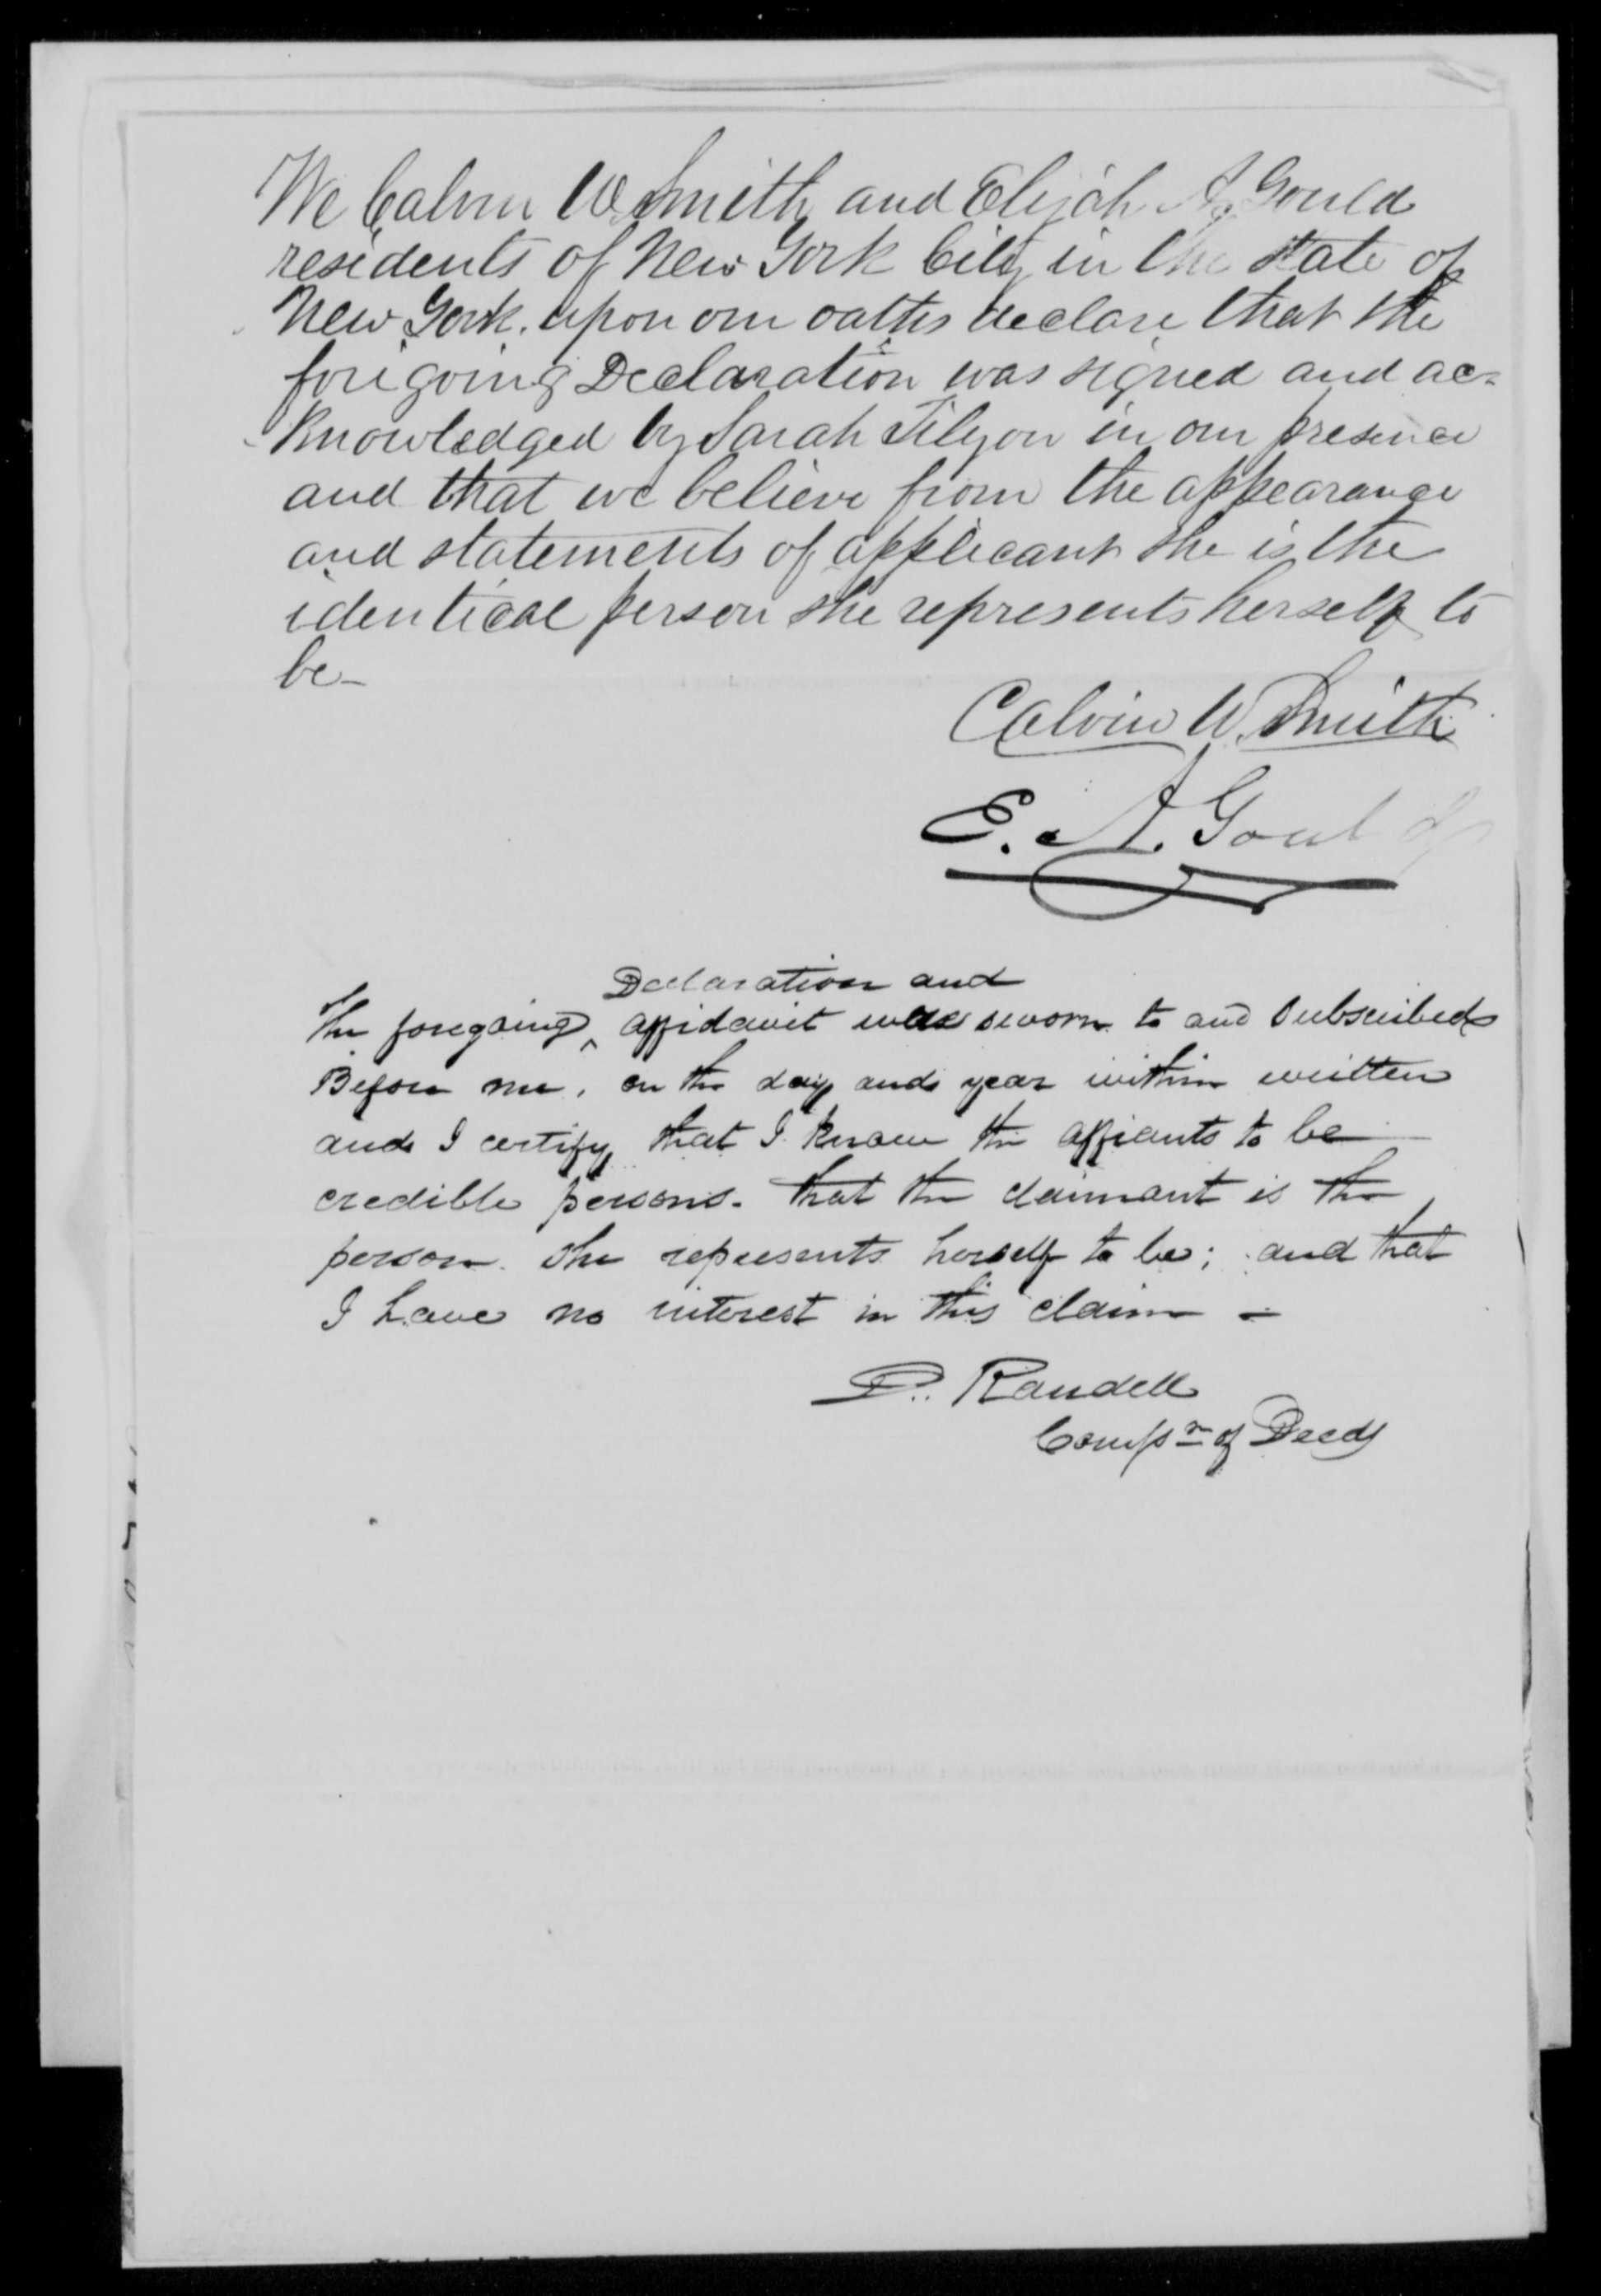We Calvin W. Smith and Elijah A. Gould residents of New York City in the state of New York upon our oaths declare that the foregoing Declaration was signed and acknowledged by Sarah Tilyou in our presence and that we believe from the appearance and statements of applicant she is the identical person she represents herself to be.

        Calvin W. Smith 
        E.A. Gould 

The foregoing ^ Declaration and affidavit was sworn to and subscribed before me on this day and year within written and I certify that I know the applicants to be credible persons. That the claimant is the person she represents herself to be; and that I have no interest in this claim_

        D. Randell 
        Comissr [Commissioner] of Deeds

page: 11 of 101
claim: widow's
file: W. 25481, for Peter V Tilyou, New Jersey